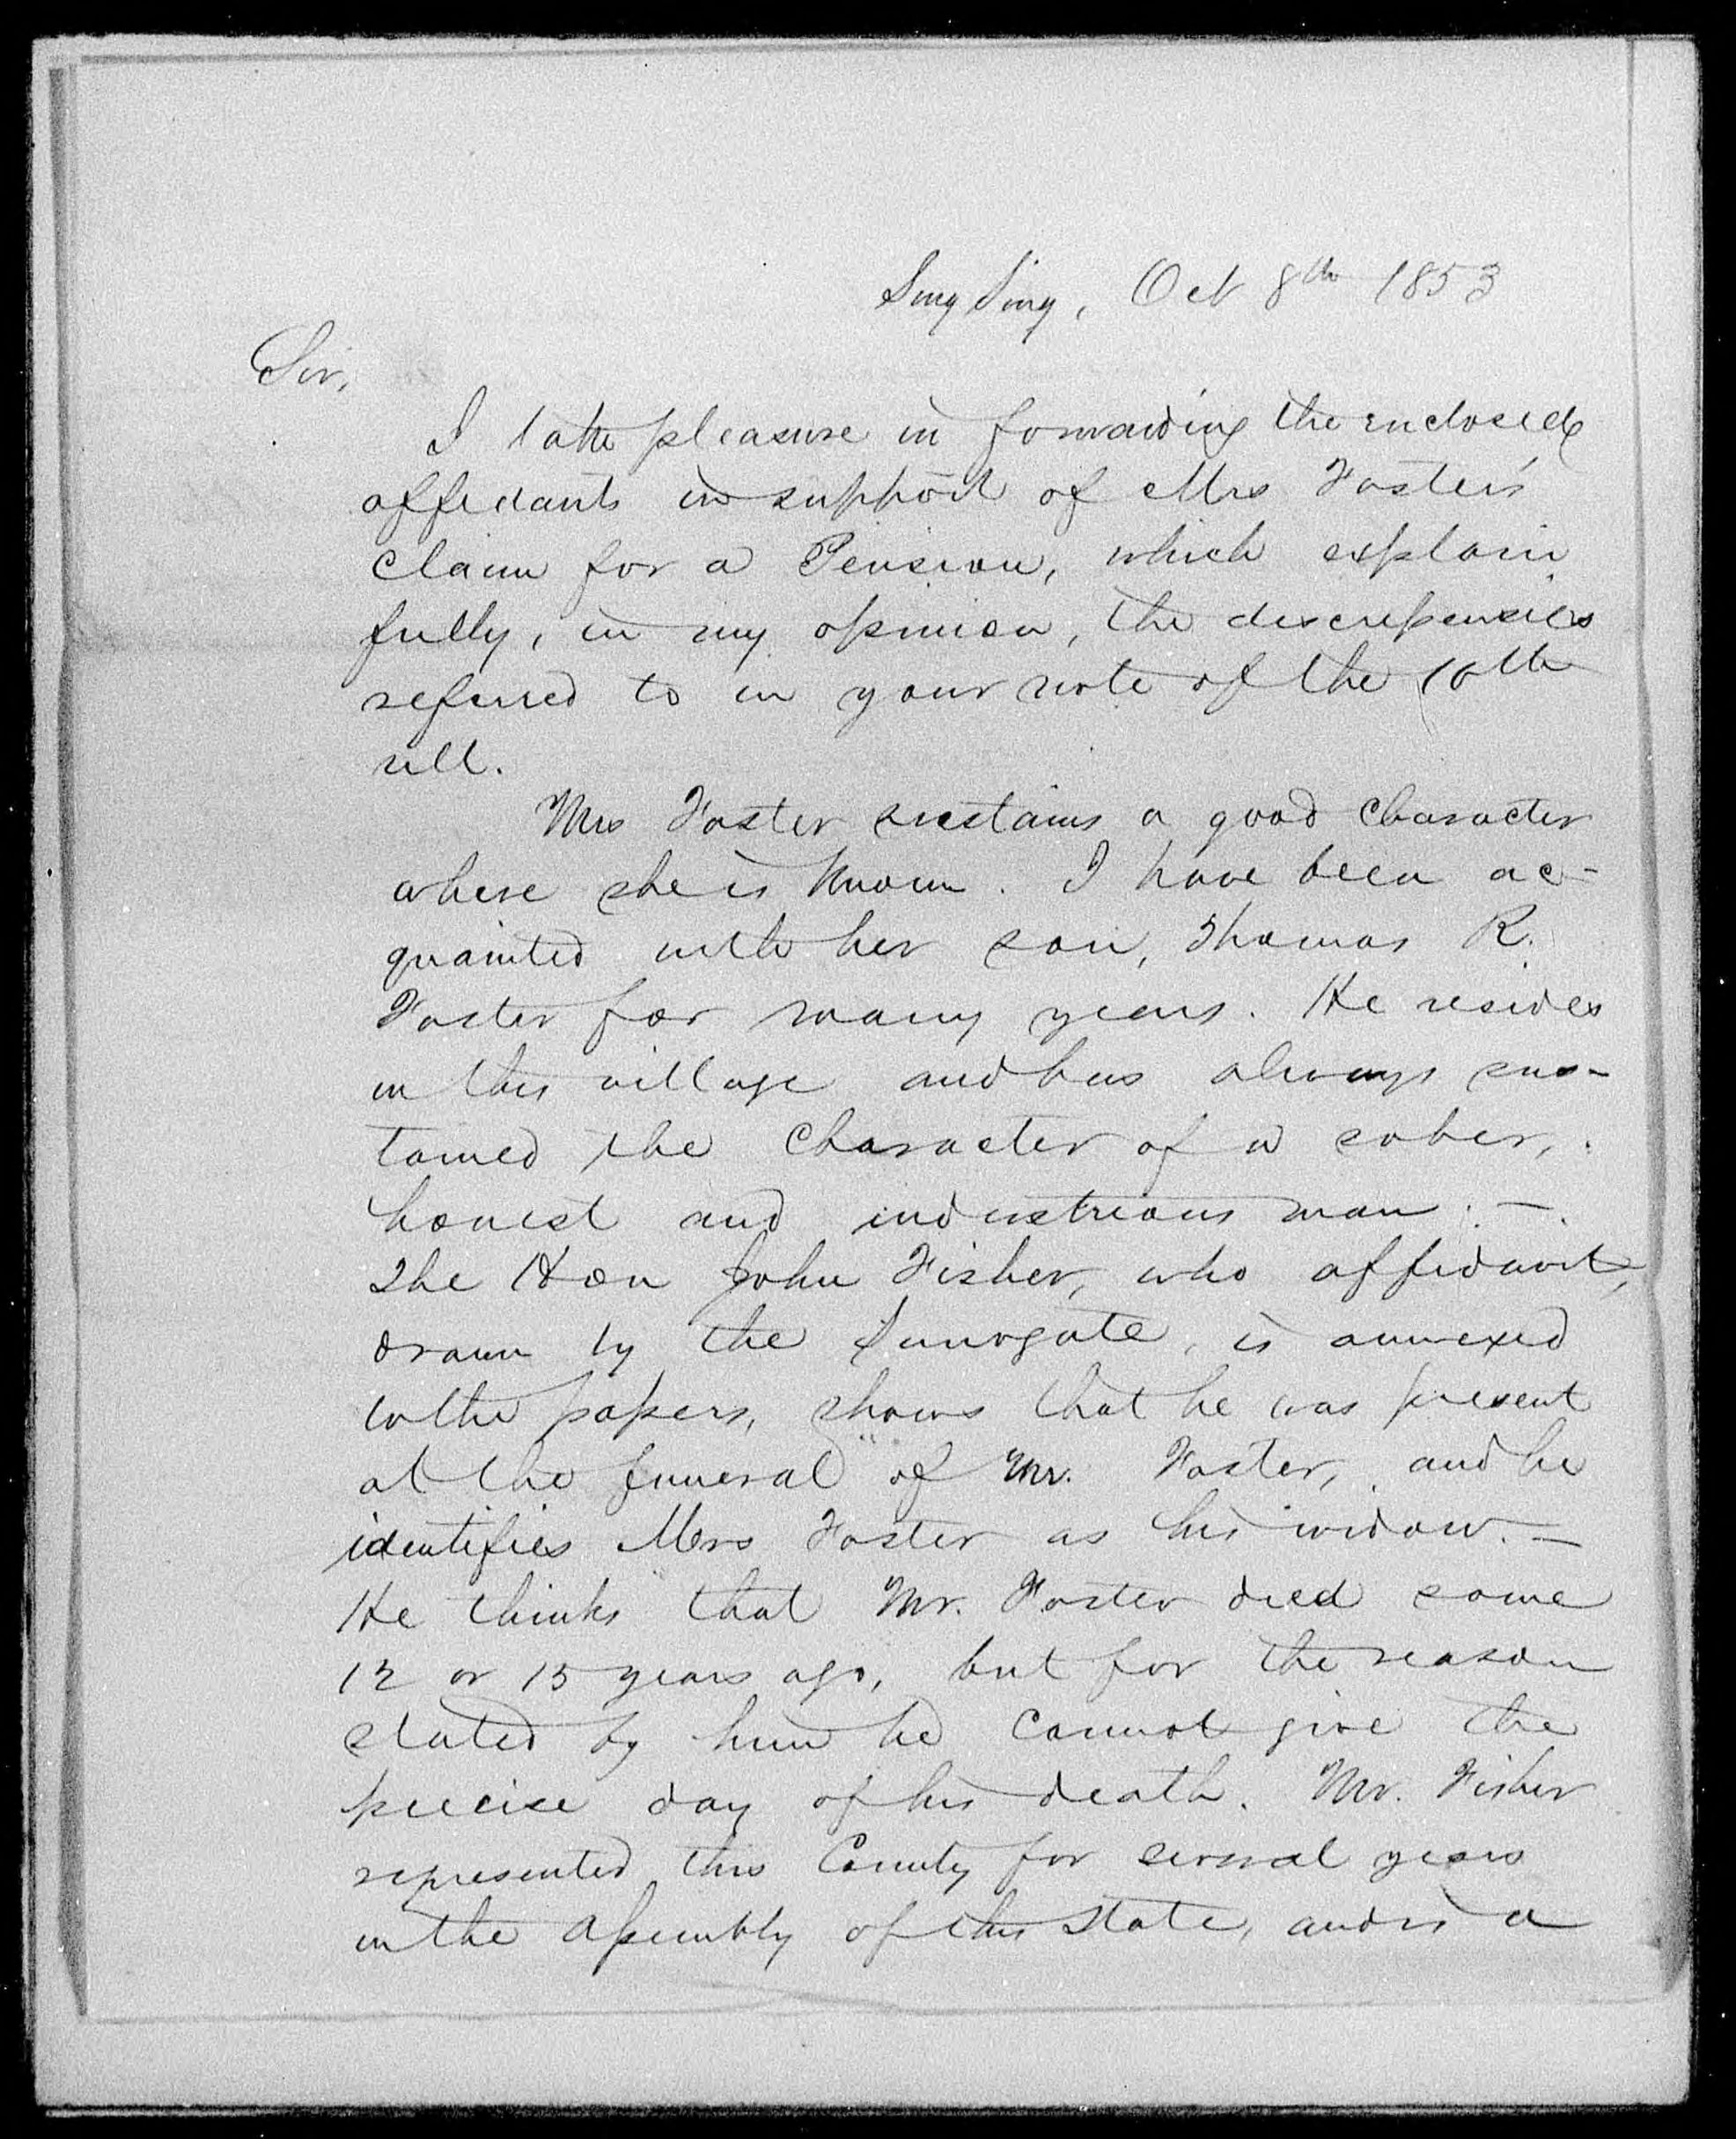Sing Sing, Oct 8th 1853

Sir,

I take pleasure in forwarding the enclosed affidavits in support of Mrs. Foster's claim for a Pension, which explain fully, in my opinion, the descrepencies referred to in your note of the 10th ??.
Mrs. Foster sustains a good character where she is known. I have been acquainted with her son, Thomas R. Foster for many years. He resides in the village and has always sustained the character of a sober, honest and industrious man.--
The Hon. John Fisher, who affidavit drawn by the Surrogate, is annexed to the papers, shows that he was present at the funeral of Mr. Foster, and he identifies Mrs. Foster as his widow.--He thinks that Mr. Foster died some 12 or 15 years ago, but for the reason stated by him he cannot give the precise day of his death. Mr. Fisher represented this county for several years in the assembly of the state, and is a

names: Foster, John Fisher, Foster, Thomas R Foster, Foster, Foster, Fisher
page: 39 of 57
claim: widow's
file: W. 5275 1/2, Michael Foster, Penn.